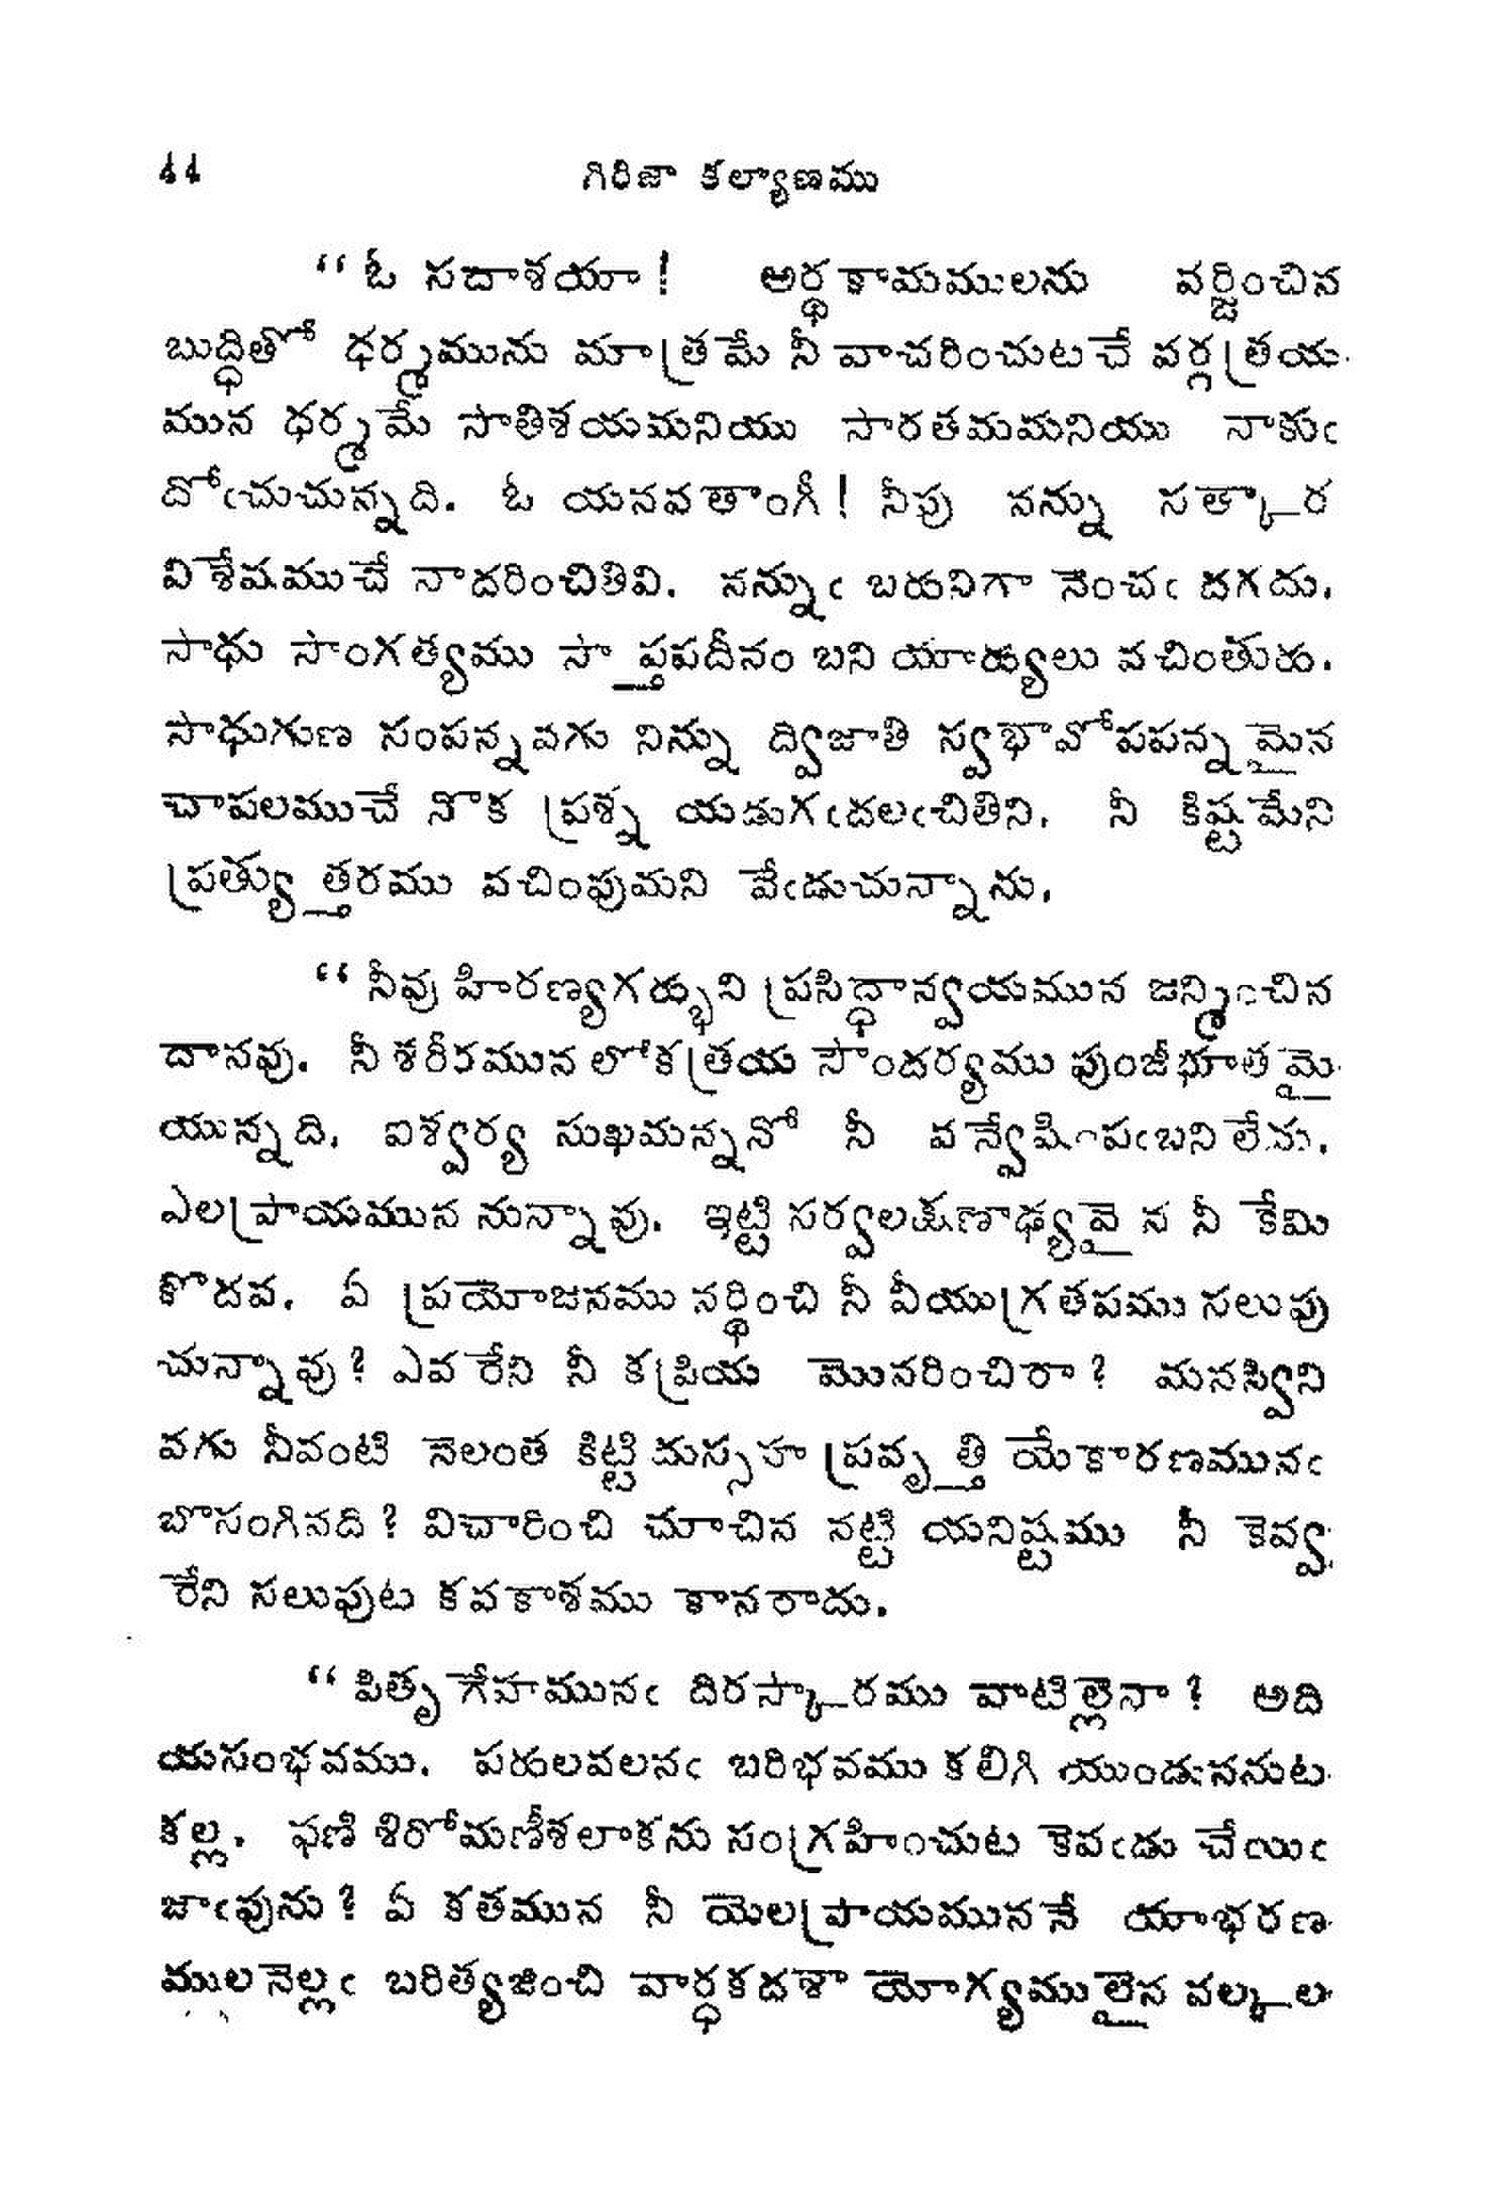" ఓ సదాశయా ! అర్థ కామములను వర్ణించిన బుద్ధితో ధర్మమును మాత్రమే నీ వాచరించుటచే వర్గత్రయమున ధర్మమే సాతిశయమనియు సారతమమనియు నాకుఁ దోఁచుచున్నది. ఓ యనవతాంగీ! నీవు నన్ను సత్కార విశేషముచే నాదరించితివి. నన్నుఁ బరునిగా నెంచఁ దగదు. సాధు సాంగత్యము సాప్తపదీనం బని యార్యులు వచింతురు. సాధుగుణ సంపన్నవగు నిన్ను ద్విజాతి స్వభావోపపన్న మైన చాపలముచే నొక ప్రశ్న యడుగఁదలఁచితిని, నీ కిష్టమేని ప్రత్యుత్తరము వచింపుమని వేఁడుచున్నాను.

" నీవు హిరణ్యగర్భుని ప్రసిద్ధాన్వయమున జన్మించిన దానవు. నీ శరీరమున లోకత్రయ సౌందర్యము పుంజీభూతమై
యున్నది. ఐశ్వర్య సుఖమన్ననో నీ వన్వేషింపఁబని లేదు. ఎలప్రాయమున నున్నావు. ఇట్టి సర్వలక్షణాఢ్యవైన నీకేమి
కొదవ. ఏ ప్రయోజనము నర్థించి నీ వీయు గ్రతపము సలుపు చున్నావు? ఎవరేని నీ కప్రియ మొనరించిరా ? మనస్విని
వగు నీవంటి నెలంత కిట్టి దుస్సహ ప్రవృత్తి యేకారణమునఁ బొసంగినది? విచారించి చూచిన నట్టి యనిష్టము నీ కెవ్వ
రేని సలుపుట కవకాశము కానరాదు.

"పితృ గేహమునఁ దిరస్కారము వాటిల్లెనా ? అది యసంభవము. పరులవలనఁ బరిభవము కలిగి యుండుననుట
కల్ల, ఫణీ శిరోమణీశలాకను సంగ్రహించుట కెవఁడు చేయిఁ జాఁవును? ఏ కతమున నీ యెలప్రాయముననే యాభరణ
ములనెల్లఁ బరిత్యజించి వార్ధకదశా యోగ్యము లైన వల్కల